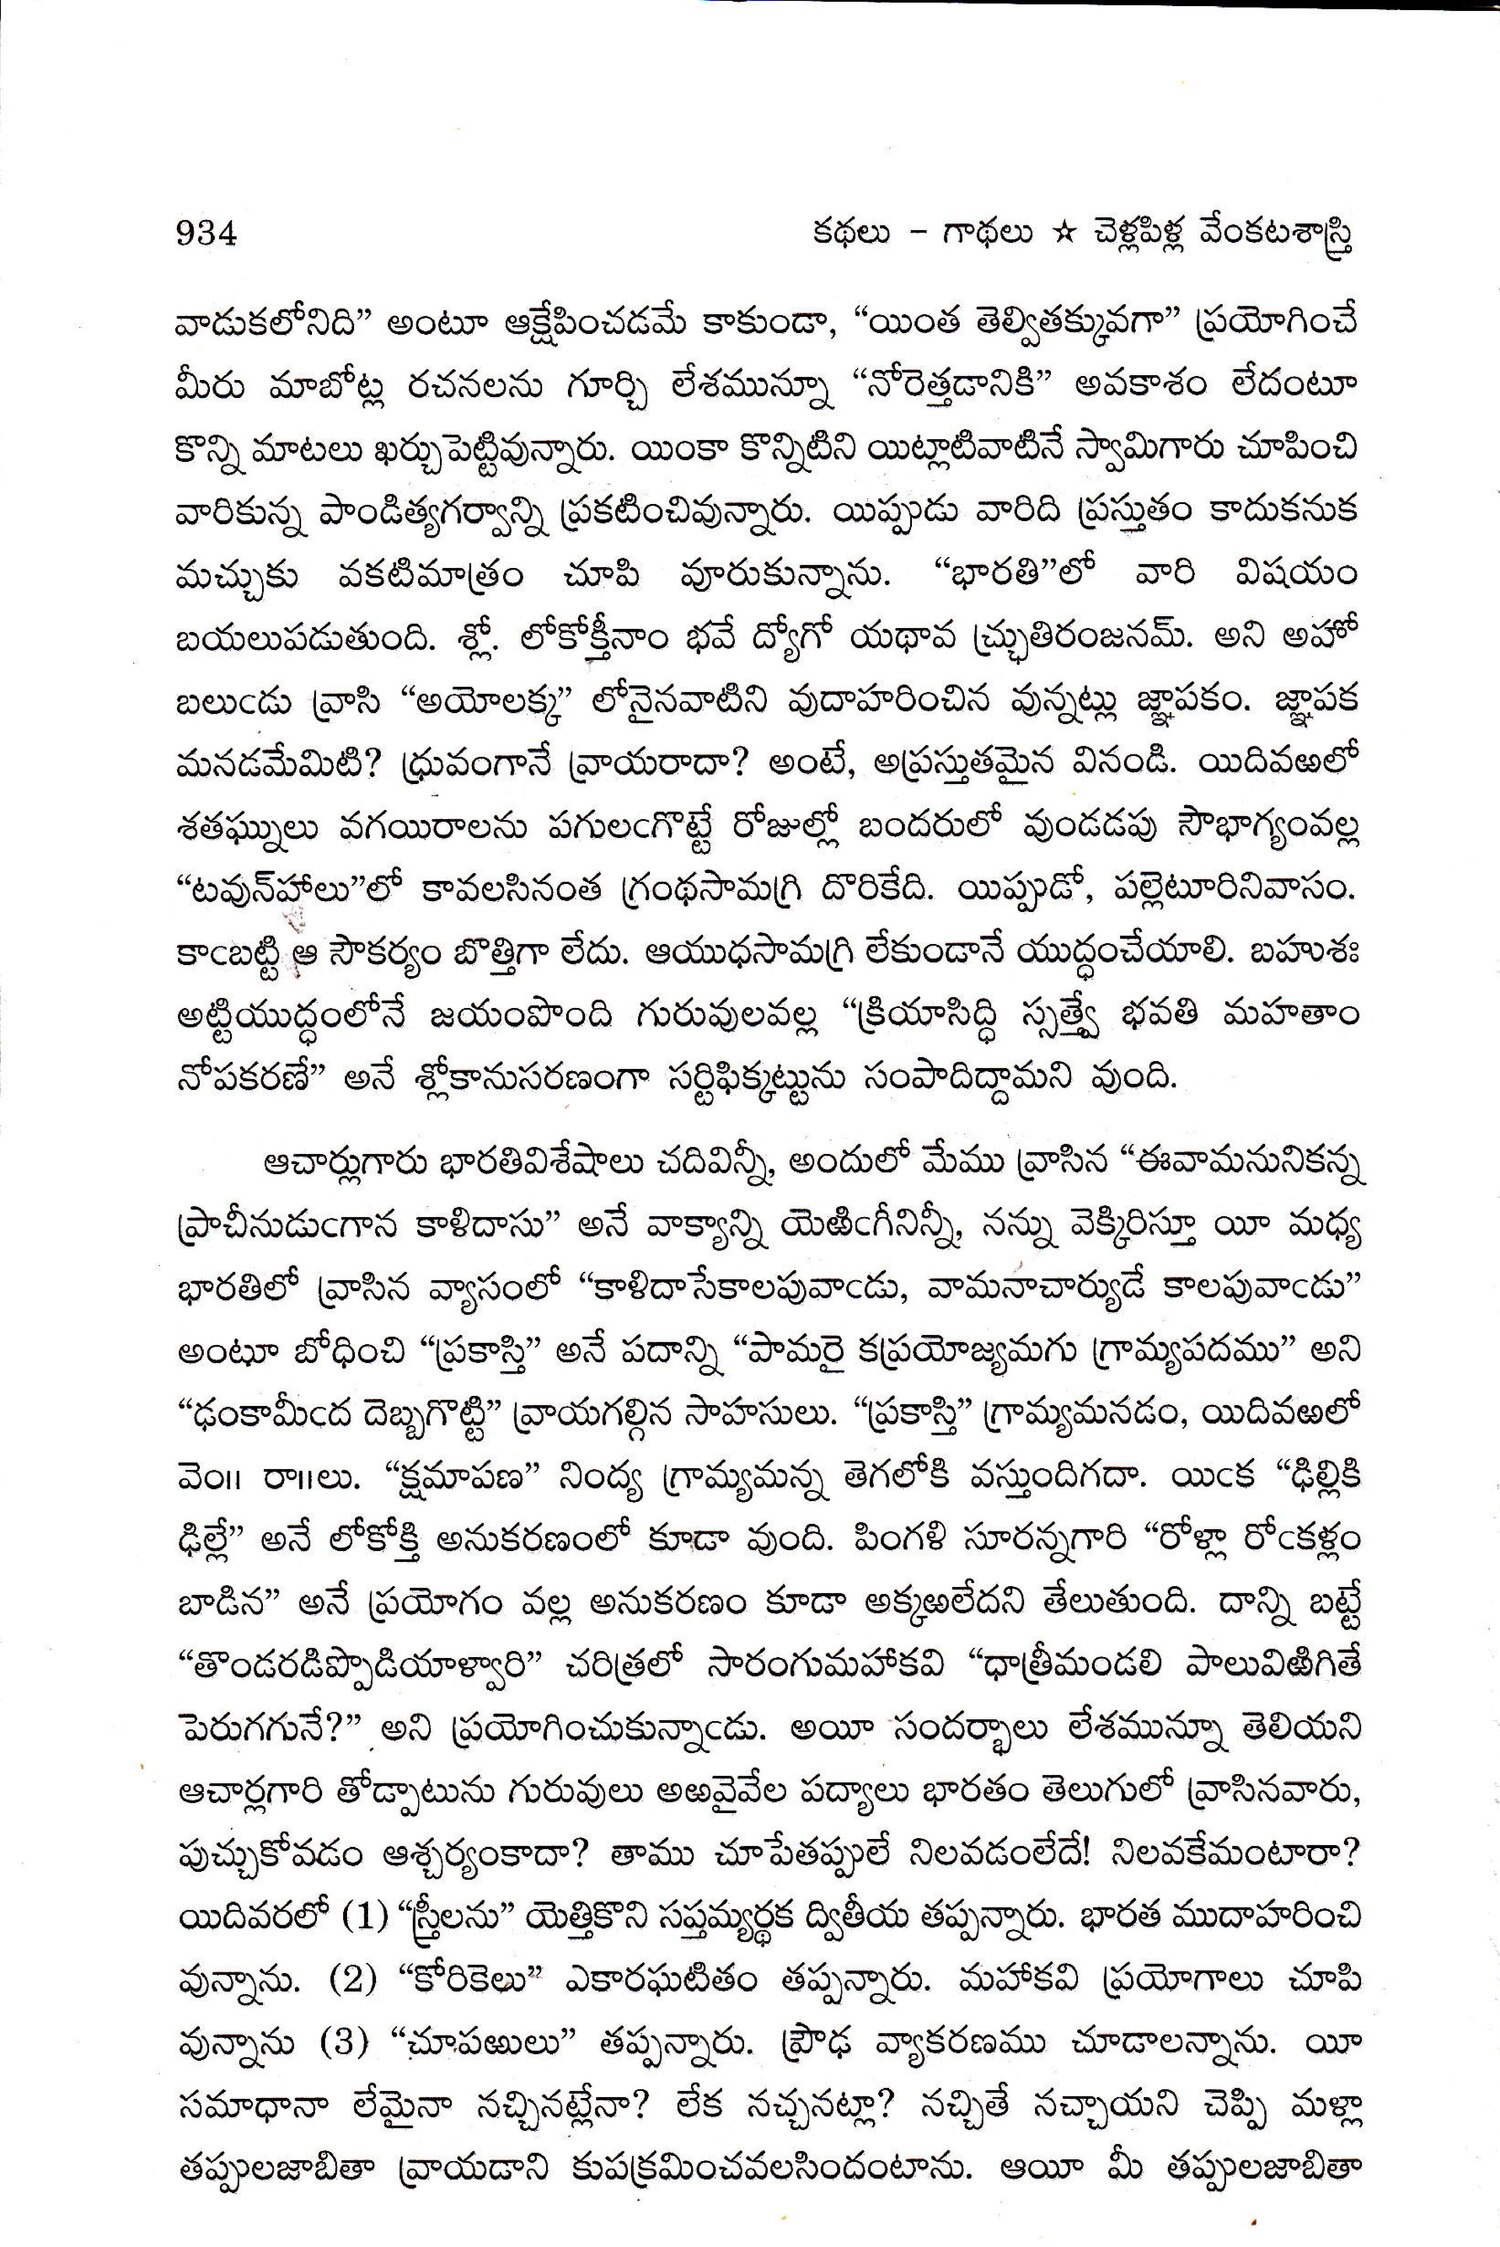వాడుకలోనిది" అంటూ ఆక్షేపించడమే కాకుండా, “యింత తెల్వితక్కువగా" ప్రయోగించే మీరు మాబోట్ల రచనలను గూర్చి లేశమున్నూ "నోరెత్తడానికి” అవకాశం లేదంటూ కొన్ని మాటలు ఖర్చుపెట్టివున్నారు. యింకా కొన్నిటిని యిట్లాటివాటినే స్వామిగారు చూపించి వారికున్న పాండిత్యగర్వాన్ని ప్రకటించివున్నారు. యిప్పుడు వారిది ప్రస్తుతం కాదుకనుక
మచ్చుకు వకటిమాత్రం చూపి వూరుకున్నాను. “భారతి"లో వారి విషయం బయలుపడుతుంది. శ్లో. లోకోక్తీనాం భవే ద్యోగో యథావ చ్ఛ్రుతిరంజనమ్. అని అహో బలుఁడు వ్రాసి "అయోలక్క" లోనైనవాటిని వుదాహరించిన వున్నట్లు జ్ఞాపకం. జ్ఞాపక మనడమేమిటి? ధ్రువంగానే వ్రాయరాదా? అంటే, అప్రస్తుతమైన వినండి. యిదివఱలో శతఘ్నులు వగయిరాలను పగులఁగొట్టే రోజుల్లో బందరులో వుండడపు సౌభాగ్యంవల్ల "టవున్‌హాలు"లో కావలసినంత గ్రంథసామగ్రి దొరికేది. యిప్పుడో, పల్లెటూరినివాసం. కాఁబట్టి ఆ సౌకర్యం బొత్తిగా లేదు. ఆయుధసామగ్రి లేకుండానే యుద్ధంచేయాలి. బహుశః అట్టియుద్ధంలోనే జయంపొంది గురువులవల్ల “క్రియాసిద్ధి స్సత్త్వే భవతి మహతాం నోపకరణే" అనే శ్లోకానుసరణంగా సర్టిఫిక్కట్టును సంపాదిద్దామని వుంది.

ఆచార్లుగారు భారతివిశేషాలు చదివిన్నీ అందులో మేము వ్రాసిన "ఈవామనునికన్న ప్రాచీనుడుఁగాన కాళిదాసు" అనే వాక్యాన్ని యెఱిఁగీనిన్నీ నన్ను వెక్కిరిస్తూ యీ మధ్య భారతిలో వ్రాసిన వ్యాసంలో "కాళిదాసేకాలపువాఁడు, వామనాచార్యుడే కాలపువాఁడు" అంటూ బోధించి “ప్రకాస్తి" అనే పదాన్ని “పామరై కప్రయోజ్యమగు గ్రామ్యపదము" అని “ఢంకామీఁద దెబ్బగొట్టి వ్రాయగల్గిన సాహసులు. "ప్రకాస్తి" గ్రామ్యమనడం, యిదివఱలో వెం|| రా||లు. "క్షమాపణ" నింద్య గ్రామ్యమన్న తెగలోకి వస్తుందిగదా. యిఁక “ఢిల్లికి ఢిల్లే" అనే లోకోక్తి అనుకరణంలో కూడా వుంది. పింగళి సూరన్నగారి “రోళ్లా రోఁకళ్లం బాడిన" అనే ప్రయోగం వల్ల అనుకరణం కూడా అక్కఱలేదని తేలుతుంది. దాన్ని బట్టే "తొండరడిప్పొడియాళ్వారి" చరిత్రలో సారంగుమహాకవి "ధాత్రీమండలి పాలువిఱిగితే పెరుగగునే?” అని ప్రయోగించుకున్నాఁడు. అయీ సందర్భాలు లేశమున్నూ తెలియని ఆచార్లగారి తోడ్పాటును గురువులు అఱవైవేల పద్యాలు భారతం తెలుగులో వ్రాసినవారు, పుచ్చుకోవడం ఆశ్చర్యంకాదా? తాము చూపేతప్పులే నిలవడంలేదే! నిలవకేమంటారా? యిదివరలో (1) "స్త్రీలను" యెత్తికొని సప్తమ్యర్థక ద్వితీయ తప్పన్నారు. భారత ముదాహరించి వున్నాను. (2) "కోరికెలు" ఎకారఘటితం తప్పన్నారు. మహాకవి ప్రయోగాలు చూపి వున్నాను (3) “చూపఱులు” తప్పన్నారు. ప్రౌఢ వ్యాకరణము చూడాలన్నాను. యీ సమాధానా లేమైనా నచ్చినట్లేనా? లేక నచ్చనట్లా? నచ్చితే నచ్చాయని చెప్పి మళ్లా తప్పులజాబితా వ్రాయడాని కుపక్రమించవలసిందంటాను. ఆయీ మీ తప్పులజాబితా